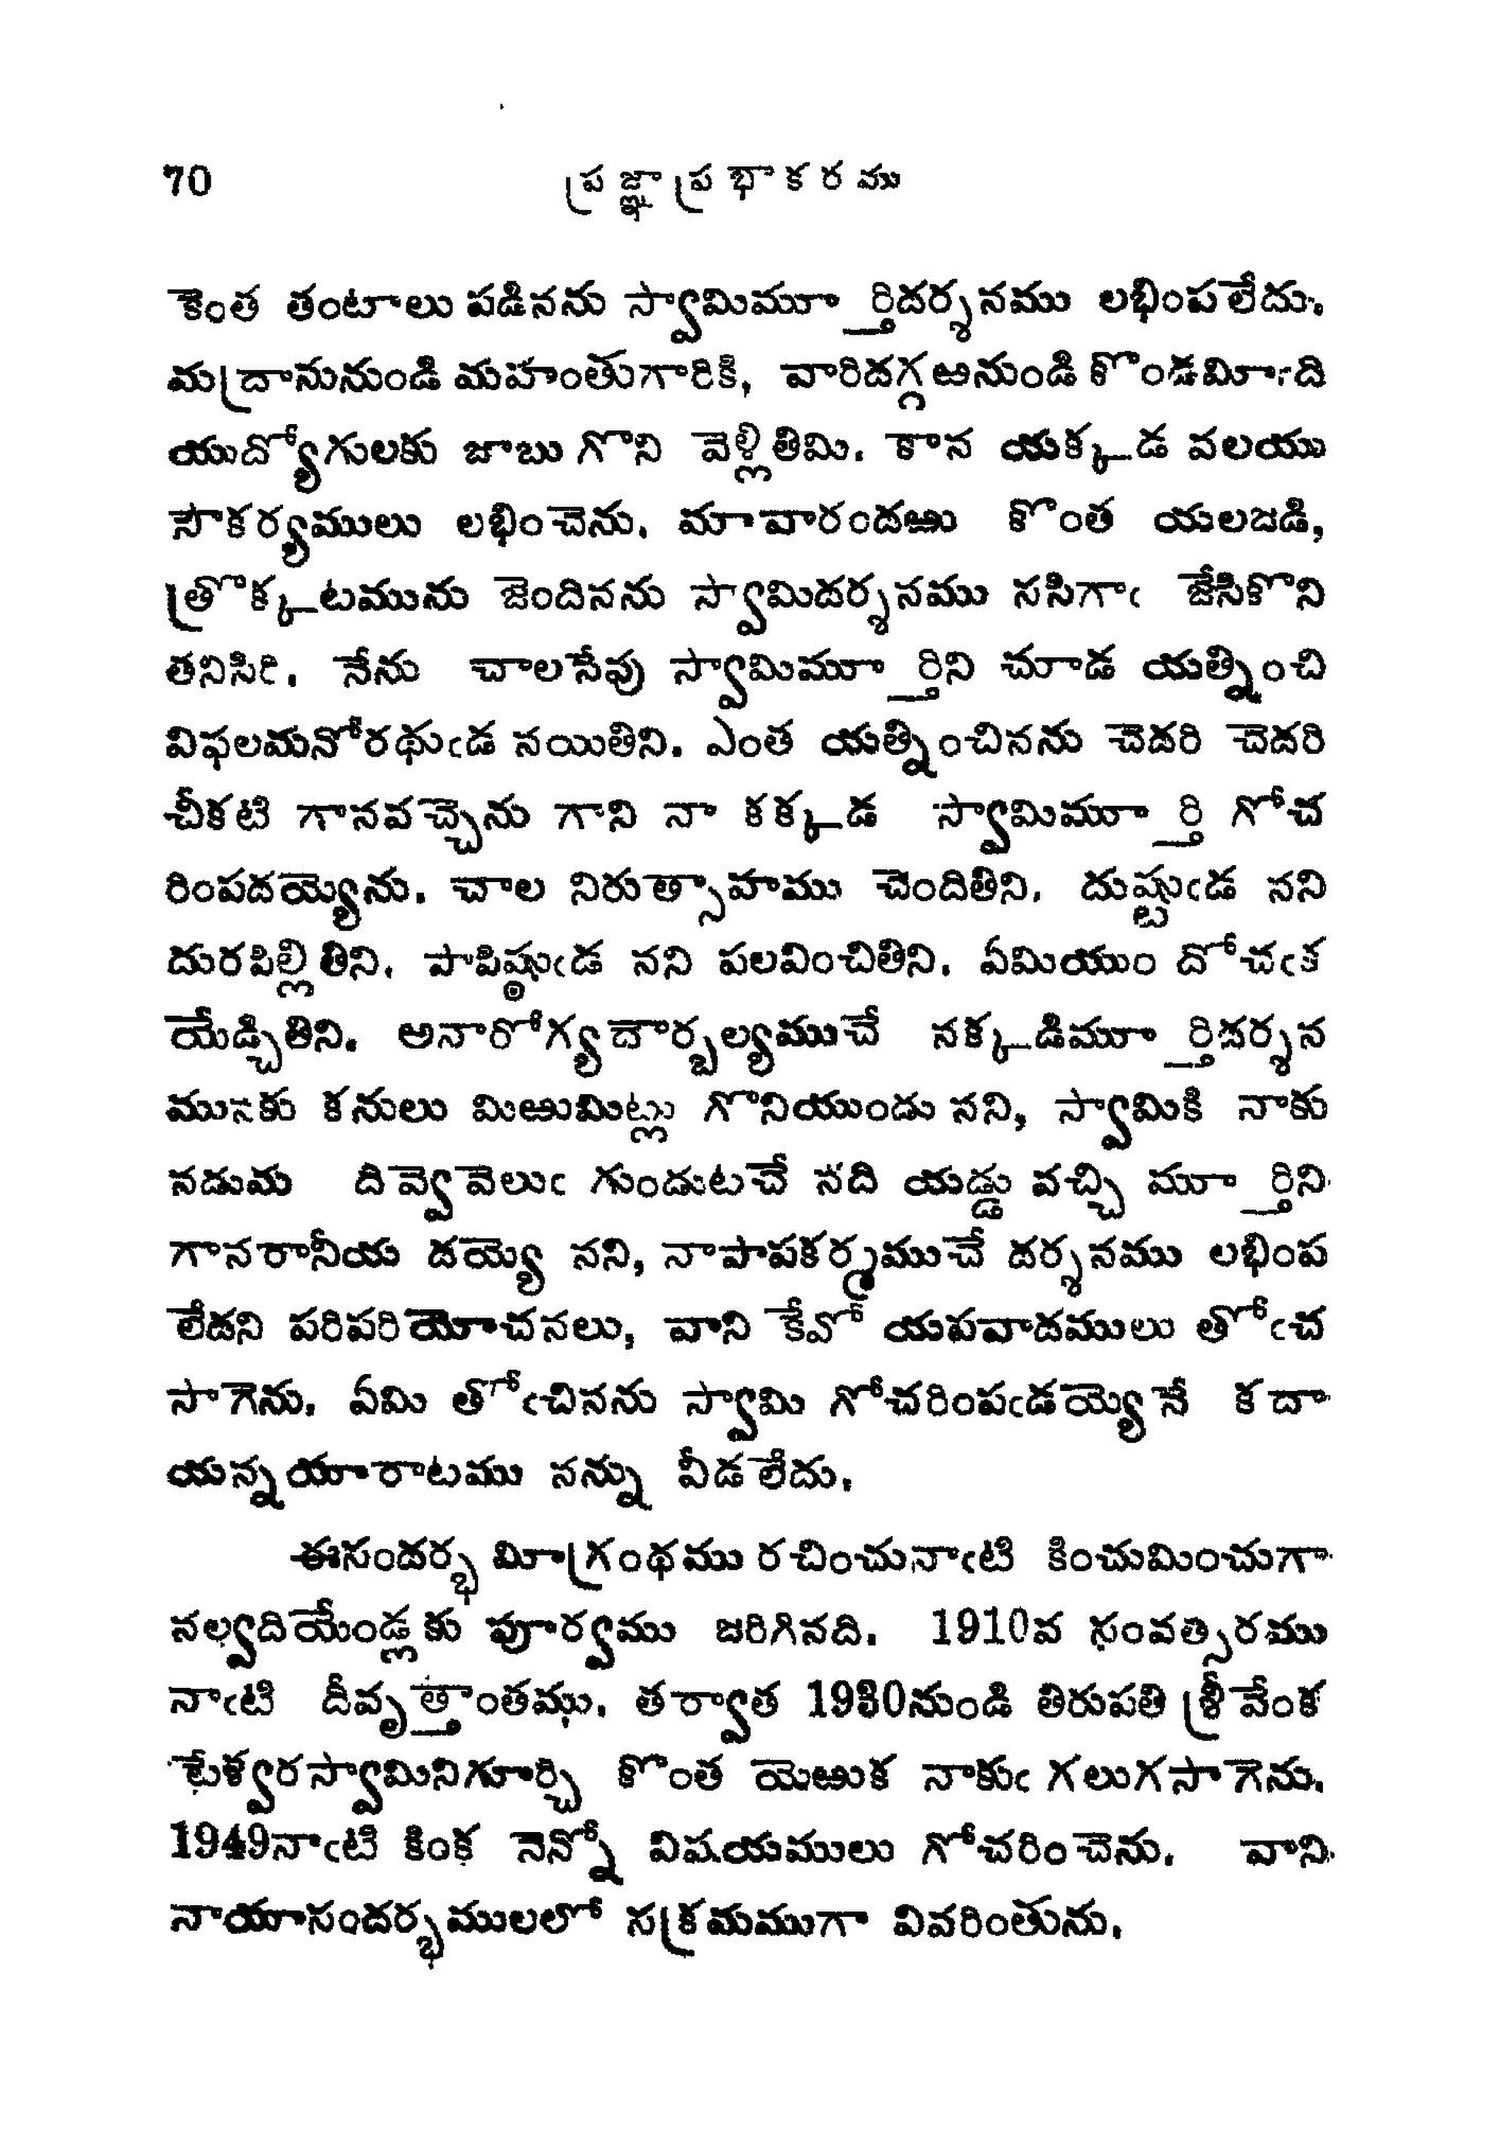కెంత తంటాలుపడినను స్వామిమూర్తి దర్శనము లభింపలేదు. మద్రాసు నుండి మహంతుగారికి, వారిదగ్గఱ నుండి కొండమీది యుద్యోగులకు జాబు గొని వెళ్ళితిమి. కాన యక్కడ వలయు సౌకర్యములు లభించెను. మా వారందఱు కొంత యలజడి, త్రొక్కట మును జెందినను స్వామి దర్శనము ససిగాఁ జేసికొని తనిసిరి. నేను చాలసేపు స్వామి మూర్తిని చూడ యత్నించి విఫలమనోరధుఁ డ నయితిని. ఎంత యత్నించినను చెదరి చీకటి గానవచ్చెను కాని నా కక్కడ స్వామి మూర్తి గోచరింపదయ్యెను. చాల నిరుత్సాహముచెందితిని. దౌర్బల్యముచే నక్కడి మూర్తి దర్శనమునాకు కనులు మిఱుమిట్లు గొనియుండు నని, స్వామికి నాకు నడుమ దివ్వె వెలుఁ గుండుటచే నది యడ్డు వచ్చి మూర్తినిగానరానియా దయ్యెనని నా పాపకర్మముచే దర్శనము లభింపలేదని పరిపరి యోచనలు, వాని కేవో యాపవాదములు తోఁచ సాగెను. ఏమి తోఁచినను స్వామి గోచరింపఁ డయ్యెనే కదా యన్న యారాటము నన్ను వీడలేదు.

ఈసందర్భ మీగ్రంధము రచించునాఁటి కించుమించుగా నల్వదియేండ్లకు పూర్వము జరిగినది. 1910 వ సంవత్సరము నాఁ టి దీ వృత్తాంతము. తర్వాత 1930 నుండి తిరుపతి శ్రీ వేంకటేశ్వరస్వామి ని గూర్చి కొంత యెఱుక నాకుఁ గలుగ సాగెను. 1949 నాఁ టి కింకనెన్నో విషయములు గోచరింపచెను. వాణి నాయాసందర్భములలో సక్రమముగా వివరింతును.